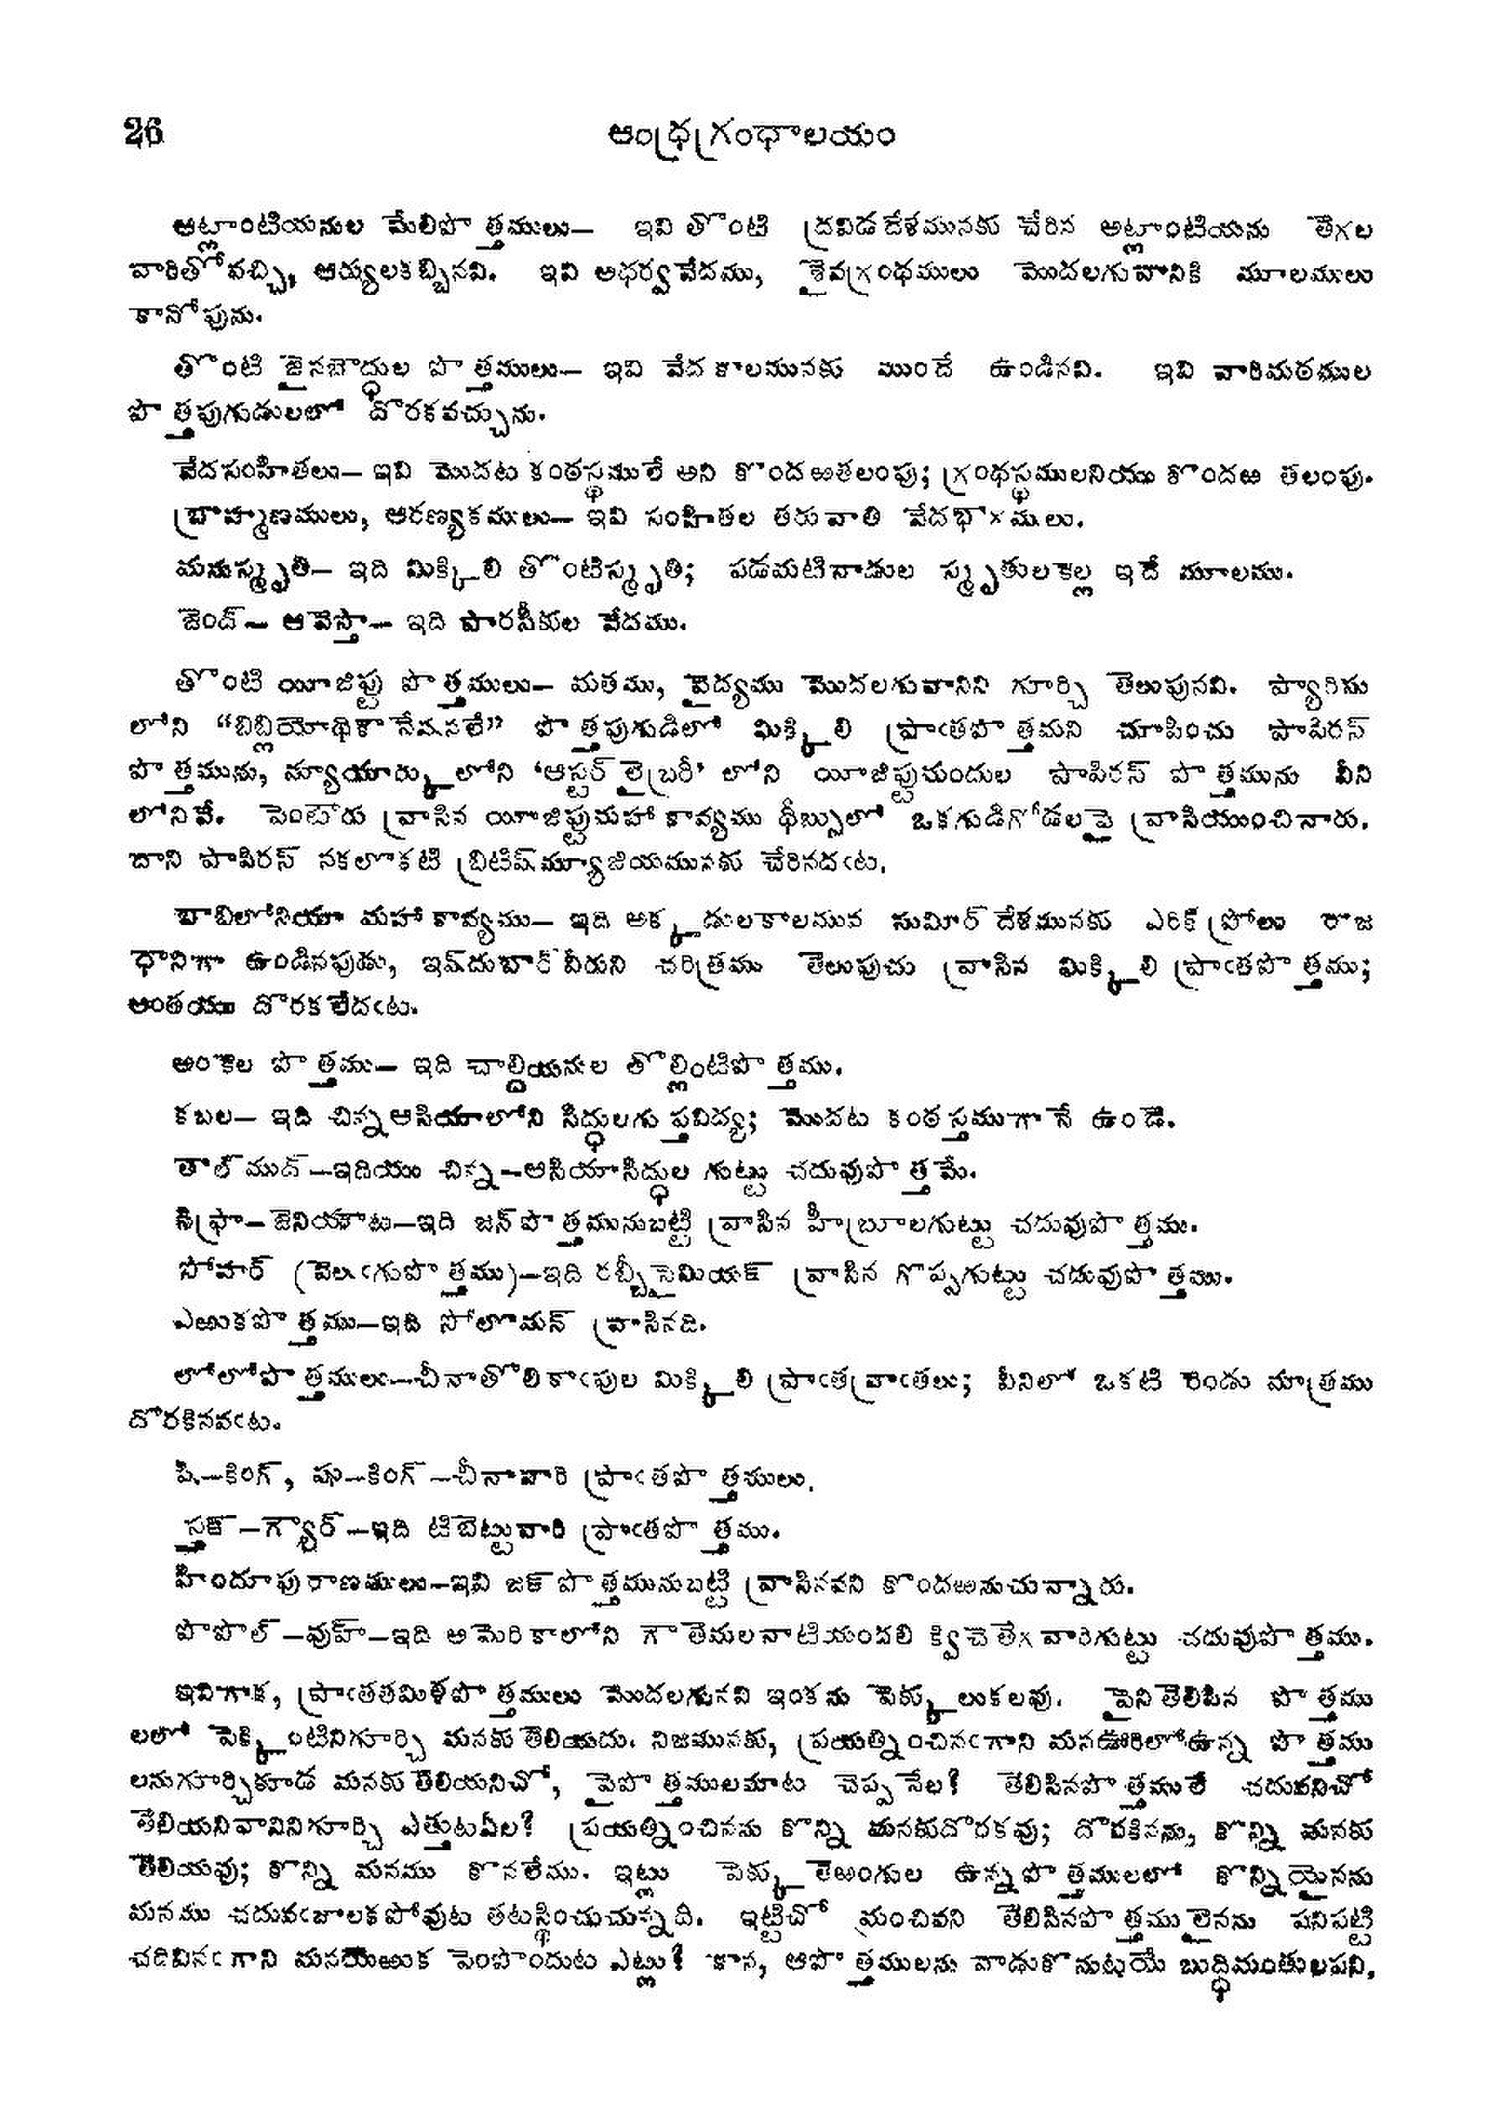అట్లాంటియనులు మేలిపొత్తములు - ఇవి తొంటి ద్రవిడ దేశమునకు చేరిన అట్లాంటియను తెగలవారితో వచ్చి, ఆర్యులకబ్బినవి. 
ఇవి అధర్వవేదము, శైవగ్రంథములు మొదలగువానికి మూలములు కానోపును.

తొంటి జైనబౌద్ధుల పొత్తములు - ఇవి వేద కాలమునకు ముందే ఉండినవి. ఇవి వారిమఠముల పొత్తపుగుడులలో
దొరకవచ్చును.
 వేదసంహితలు - ఇవి మొదట కంఠస్థములే అని కొందఱతలంపు; గ్రంథస్థములనియు కొందఱ తలంపు. 
 బ్రాహ్మణములు, ఆరణ్యకములు - ఇవి సంహితల తరువాతి వేద భాగములు.
 మనుస్మృతి— ఇది మిక్కిలి తొంటిస్మృతి; పడమటినాడుల స్మృతులకెల్ల ఇదే మూలము.
 జెంద్ ఆవేస్తా - ఇది పారసీకుల వేదము.
తొంటి యీజిప్టు పొత్తములు - మతము, వైద్యము మొదలగువానిని గూర్చి తెలుపునవి. ప్యారిసు లోని “బిబ్లియోథికానేవసలే" 
పొత్తపుగుడిలో మిక్కిలి ప్రాఁతపొత్తమని చూపించు పాపిరస్ పొత్తమును, న్యూయార్కులోని 'ఆస్టర్ లైబ్రరీ' లోని యీజిప్టు 
మందుల పాపిరస్ పొత్తమును వీని లోనివే. పెంఔరు వ్రాసిన యీజిప్టునుహా కావ్యము థీబ్బులో ఒకగుడిగోడలపై వ్రాసియుంచినారు,
దాని పాపిరస్ నకలొకటి బ్రిటిష్ మ్యూజియమునకు చేరినదఁట,

బాబిలోనియా మహా కావ్యము - ఇది అక్కడులకాలమున సుమీర్ దేశమునకు ఎరిక్ప్రోలు రాజధానిగా ఉండినపుడు, 
ఇష్దుబార్ వీరుని చరిత్రము తెలుపుచు వ్రాసిన మిక్కిలి ప్రాఁతపొత్తము; అంతయు దొరకలేదఁట.
 అంకెల పొత్తము – ఇది చాల్దియనుల తొల్లింటి పొత్తము.
 కబల — ఇది చిన్న ఆసియాలోని సిద్దుల గుప్త విద్య; మొదట కంఠస్తముగానే ఉండే.
 తాల్ ముద్ — ఇదియు చిన్న - ఆసియా సిద్ధుల గుట్టు చదువు పొత్తమే.
 సిఫ్రా - జెనియౌట—ఇది జన్ పొత్తమునుబట్టి వ్రాసిన హీబ్రూల గుట్టు చదువు పొత్తము.
 సోహర్ (వెలుగు పొత్తము) - ఇది రబ్బీసెమియ౯ వ్రాసిన గొప్పగుట్టు చదువు పొత్తము.
 ఎఱుకపొత్తము — ఇది సోలోమ౯ వ్రాసినది.
లోలో పొత్తములు - చీనా తోలికాఁపుల మిక్కిలి ప్రాంత వ్రాఁతలు; వీనిలో ఒకటి రెండు మాత్రము దొరకినవఁట.

 షీ—కింగ్, షు - కింగ్ - చీనా వారి ప్రాఁత పొత్తములు,
 స్త్ర౯-గ్యౌర్ - ఇది టిబెట్టువారి ప్రాఁత పొత్తము.
 హిందూపురాణములు- ఇవి జ౯ ప్రోత్తము పొత్తమును బట్టి వ్రాసినవని కొందఱనుచున్నారు.
 పొపొల్ — వుహ్ఇ - ఇది అమెరికాలోని గౌతెమలనాటియందలి క్విచెతేగ వారిగుట్టు చదువు పొత్తము.

ఇవిగాక, ప్రాఁత తమిళపొత్తములు మొదలగునవి ఇంకను పెక్కులు కలవు. పైవి తెలిపిన పొత్తము లలో పెక్కింటిని గూర్చి 
మనకు తెలియదు. నిజమునకు, ప్రయత్నించినఁగాని మనఊరిలో ఉన్న పొత్తములను గూర్చికూడ మనకు తెలియనిచో, 
పైపొత్తముల మాట చెప్పనేల? తెలిసినపొత్తములే చదువనిచో తెలియని వానిని గూర్చి ఎత్తుట ఏల? ప్రయత్నించినను కొన్ని మనకుదొరకవు; దొరకినను, కొన్ని మనకు తెలియవు; కొన్ని మనము కొనలేము. ఇట్లుపెక్కు తెఱంగులు ఉన్న పొత్తములలో 
కొన్ని యైనను మనము చదువఁజాలకపోవుట తటస్థించుచున్నది. ఇట్టిచో మంచివని తెలిసిన పొత్తములైనను పనిపట్టి
చదివినఁ గాని మనయేఱుక పెంపొందుట ఎట్లు? కాస, ఆ పొత్తములను వాడుకొనుటయే బుద్ధిమంతుల పని.